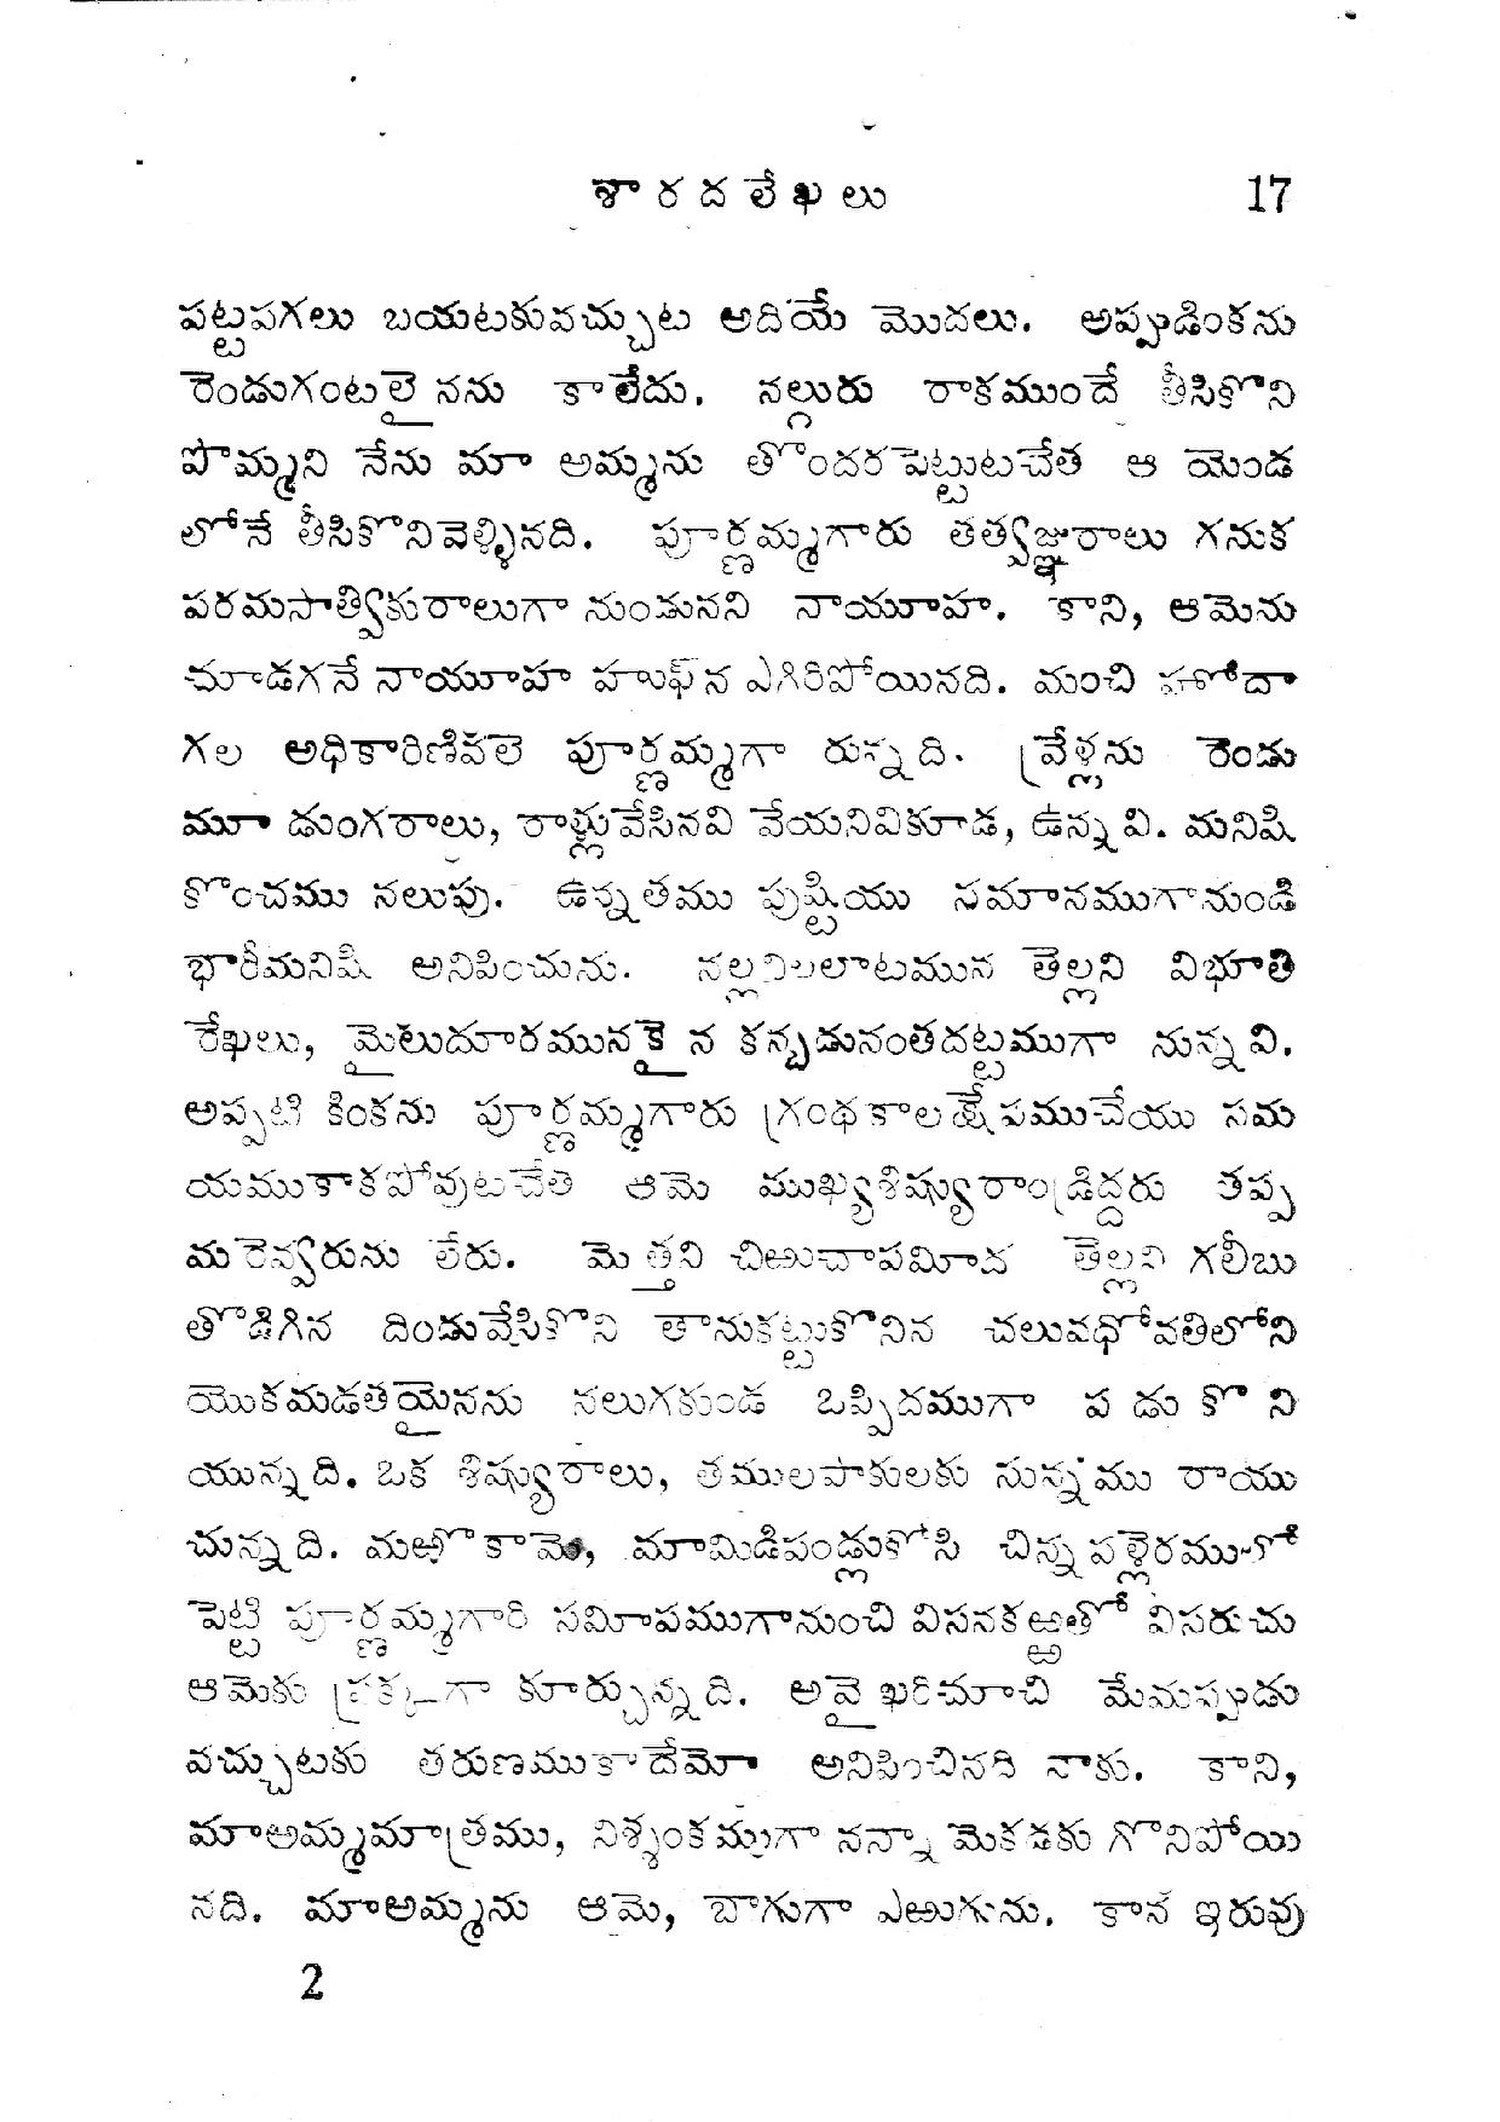పట్టపగలు బయటకు వచ్చుట అదియే మొదలు. అప్పుడింకను 
రెండు గంటలైనను కాలేదు. నల్గురు రాకముందే తీసికొని
పొమ్మని నేను మా అమ్మను తొందర పెట్టుట చేత ఆ యెండ 
లోనే తీసికొని వెళ్ళినది. పూర్ణమ్మ గారు తత్వజ్ఞురాలు గనుక
పరమ సాత్వికురాలుగా ఉండునని నా యూహ. కాని, ఆమెను
చూడగనే నా యూహ హూఫ్ న ఎగిరిపోయింది. మంచి హోదా
గల అధికారిణివలె పూర్ణమ్మగా రున్నది. వ్రేళ్లను రెండు
మూ డుంగరాలు, రాళ్లు వేసినవి వేయనివికూడ, ఉన్నవి. మనిషి
కొంచము నలుపు. ఉన్నతము పుష్టియు సమానముగా నుండి
భారీమనిషి అనిపించును. నల్లనిలలాటమున తెల్లని విభూతి
రేఖలు, మైలు దూరమునకై న కన్బడునంత దట్టముగా నున్నవి.
అప్పటి కింకను పూర్ణమ్మగారు గ్రంథ కాలక్షేపము చేయు సమ
యముకాకపోవుటచేత ఆమె ముఖ్యశిష్యురాండ్రిద్దరు తప్ప
మరెవ్వరును లేరు. మెత్తని చిఱుచాపమీద తెల్లని గలీబు
తొడిగిన దిండు వేసికొని తానుకట్టుకొనిన చలువధోవతిలోని
యొక మడతయైనను నలుగకుండ ఒప్పిదముగా పడు కొని
యున్నది. ఒక శిష్యురాలు, తమలపాకులకు సున్నము రాయు
చున్నది. మఱొకామె, మామిడిపండ్లుకోసి చిన్న పళ్లెరములో
పెట్టి పూర్ణమ్మగారి సమీపముగా నుంచి విసనకఱ్ఱతో విసరుచు
ఆమెకు ప్రక్కగా కూర్చున్నది. ఆ వైఖరి చూచి మేమప్పుడు
వచ్చుటకు తరుణముకాదేమో అనిపించినది నాకు. కాని,
మాఅమ్మమాత్రము, నిశ్శంకమ్మగా నన్నా మెకడకు గొనిపోయి
నది. మా అమ్మను ఆమె, బాగుగా ఎఱుగును. కానీ ఇరువు
2